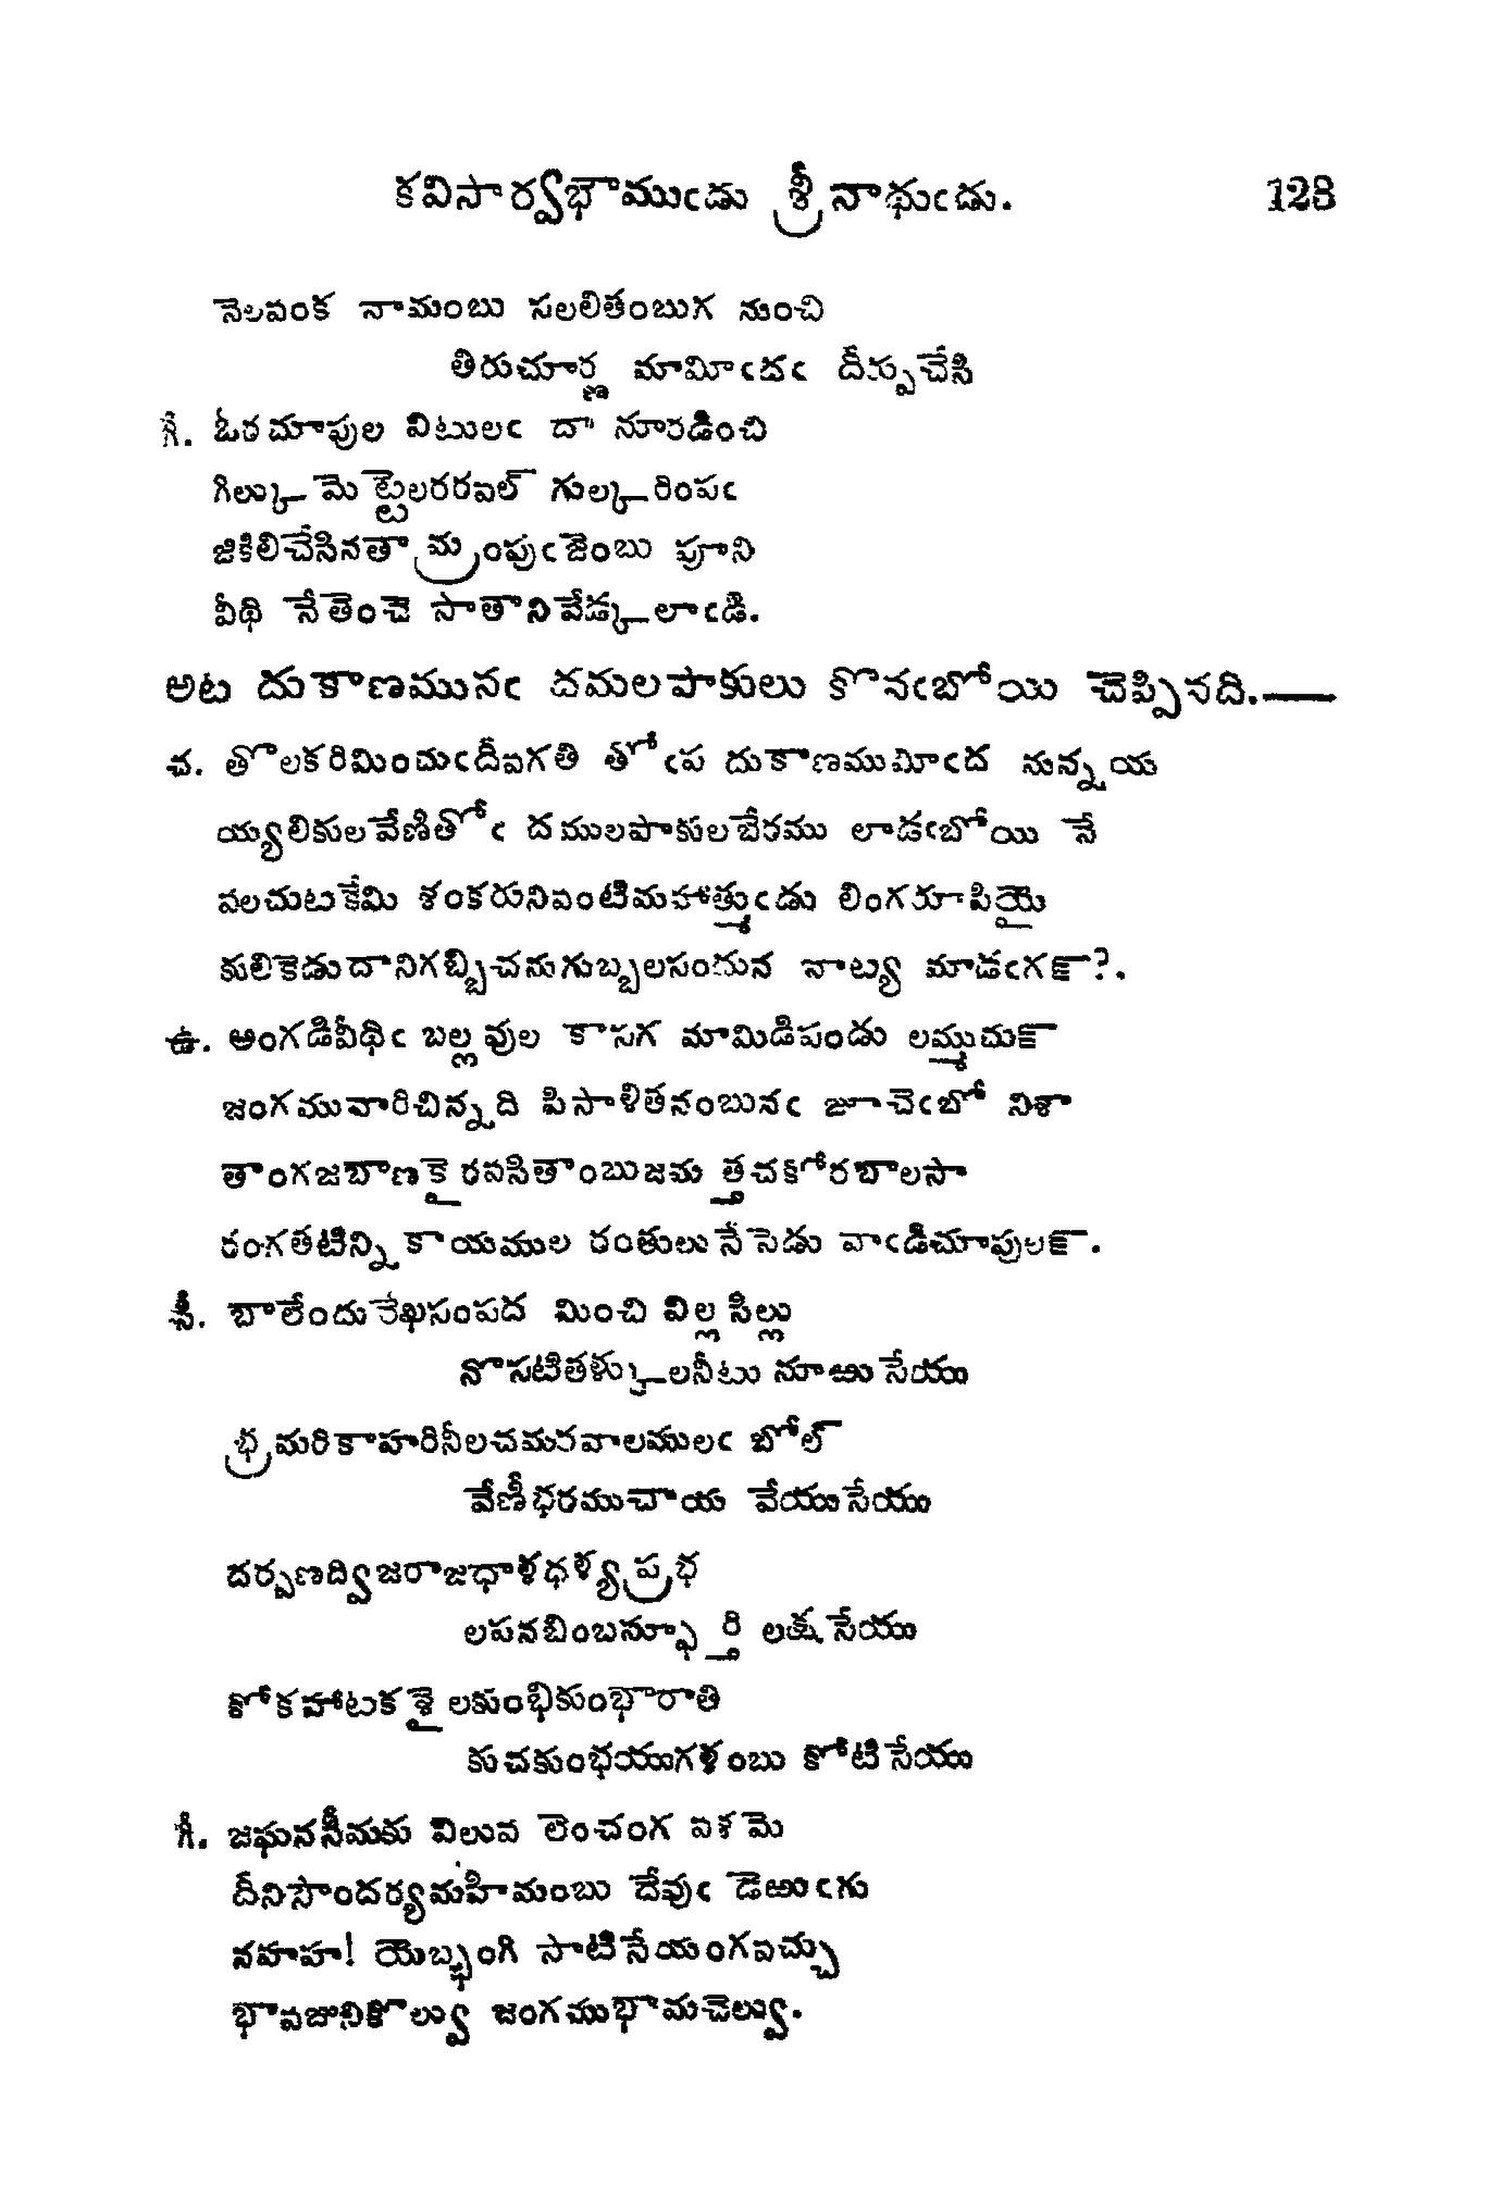నెలవంక నామంబు సలలితంబుగ నుండి
 తిరుచూర్ణ మామీఁదఁ దీర్పుచేసి
తే. ఓరచూపుల విటులఁ దా నూరడించి
 గిల్కుమెట్టెలరవరవల్ గుల్కరింపఁ
 జిలికి చేసిన తామ్రంపుఁజెంబుఁ బూని
 వీథి నేతెంచె సాతానివేడ్కలాఁడి.
అట దుకాణమునఁ దమలపాకులు కొనఁబోయి చెప్పినది—
చ. తొలకరిమించుఁదీవగతి తోఁప దుకాణముమీఁద నున్న య
 య్యలికులవేణితోఁ దములపాకులబేరము లాడఁబోయి నే
 వలచుట కేమి శంకరునివంటిమహాత్ముఁడు లింగరూపియై
 కులికెడు దానిగబ్బిచనుగుబ్బలసందున నాట్య మాడఁగన్.
ఉ. అంగడివీథిఁ బల్లవుల కాసగ మామిడిపండు లమ్ముచున్
 జంగమువారిచిన్నది పిసాళితనంబునఁ జూచెఁబో నిశా
 తాంగజబాణకైరవసితాంబుజమత్తచకోరబాలసా
 రంగతటిన్నికాయముల రంతులు సేసెడు వాఁడిచూపులన్.
సీ. బాలేందురేఖసంపద మించి విలసిల్లు
 నొసటితళ్కులనీటు నూఱు సేయు
 భ్రమరికాహరినీలచమరవాలములఁ బోల్
 వేణీభరముచాయ వేయు సేయు
 దర్పణద్విజరాజధాళధళ్యప్రభ
 లపనబింబస్ఫూర్తి లక్ష సేయుఁ
 కోకహాటకశైలకుంభికుంభారాతి
 కుచకుంభయుగళంబు కోటి సేయు
తే. జఘనసీమకు విలువ లెంచంగ వశమె
 దీనిసౌందర్యమహిమంబు దేవుఁ డెఱుఁగుఁ
 నహహ! యెబ్భంగి సాటిసేయంగ వచ్చు
 భావజునికొల్వు జంగముభామచెల్వు.